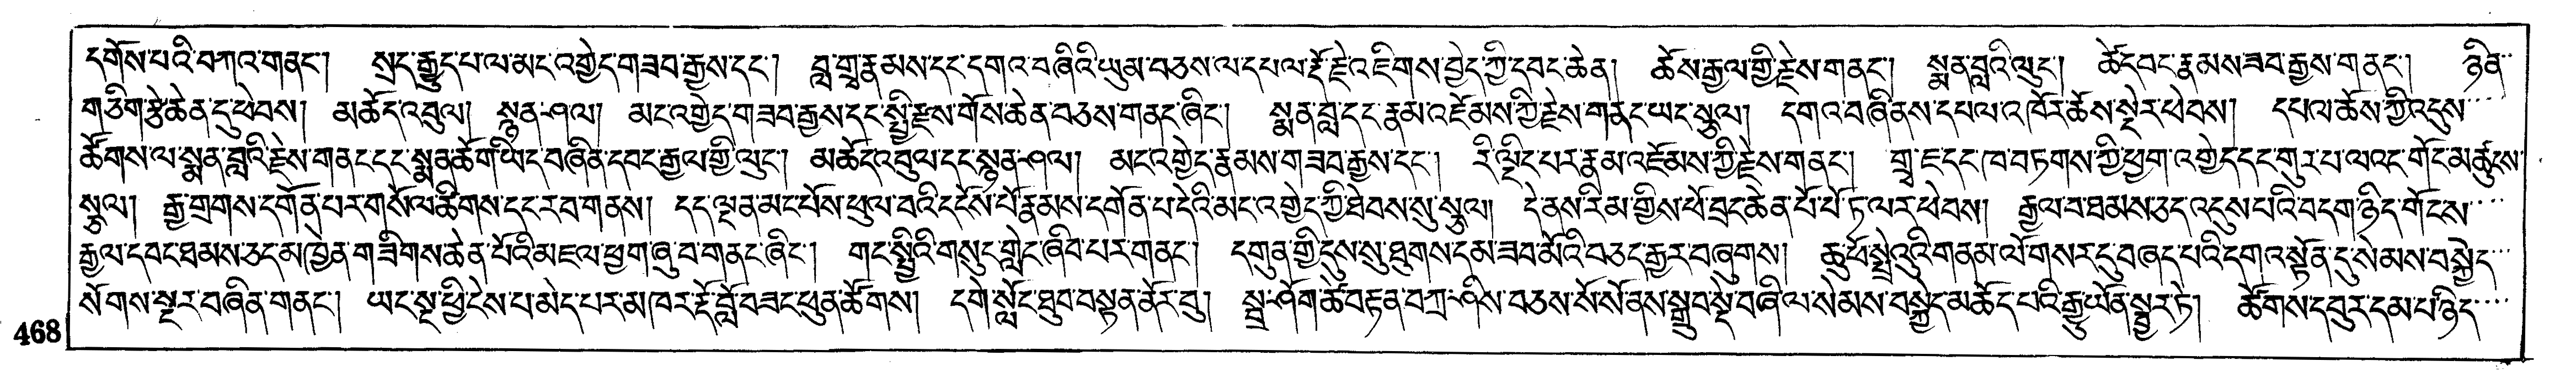དགོས་པའི་བཀའ་གནང་། སྲད་རྒྱུད་པ་ལ་མང་འགྱེད་གཟབ་རྒྱས་དང་། བླ་གྲྭ་རྣམས་དང་དགའ་བཞིའི་ཡུམ་བཅས་ལ་དཔལ་རྡོ་རྗེ་འཇིགས་བྱེད་ཀྱི་དབང་ཆེན། ཆོས་རྒྱལ་གྱི་རྗེས་གནང་། སྨན་བླའི་ལུང་། ཚེ་དབང་རྣམས་ཟབ་རྒྱས་གནང་། ཉིན་
གཅིག་རྩེ་ཆེན་དུ་ཕེབས། མཆོད་འབུལ། སྙན་ཤལ། མང་འགྱེད་གཟབ་རྒྱས་དང་སྦྱི་རྫས་གོས་ཆེན་བཅས་གནང་ཞིང་། སྨན་བླ་དང་རྣམ་འཇོམས་ཀྱི་རྗེས་གནང་ཡང་སྩལ། དགའ་བཞི་ནས་དཔལ་འཁོར་ཆོས་སྡེར་ཕེབས། དཔལ་ཆོས་ཀྱི་འདུས་
ཚོགས་ལ་སྨན་བླའི་རྗེས་གནད་དང་སྨན་ཆོག་ཡིད་བཞིན་དབང་རྒྱལ་གྱི་ལུང་། མཆོད་འབུལ་དང་སྙན་ཤལ། མང་འགྱེད་རྣམས་གཟབ་རྒྱས་དང་། རི་ལྡིང་པར་རྣམ་འཇོམས་ཀྱི་རྗེས་གནང་། གྲྭ་ཇ་དང་ཁ་བཏགས་ཀྱི་ཕྱག་འགྱེད་དང་གུར་པ་ལའང་གོང་མཚུངས་
སྩལ། རྒྱ་གྲགས་དགོན་པར་གསོལ་ཚིགས་དང་རབ་གནས། དད་ལྡན་མད་ཕོས་ཕུལ་བའི་དངོས་པོ་རྣམས་དགོན་པ་དེའི་མང་འགྱེད་ཀྱི་ཐེབས་སུ་སྩལ། དེ་ནས་རིམ་གྱིས་ཕོ་བྲང་ཆེན་པོ་པོ་ཏ་ལར་ཕེབས། རྒྱལ་བ་ཐམས་ཅད་འདུས་པའི་བདག་ཉིད་གོང་ས་
རྒྱལ་དབང་ཐམས་ཅད་མཁྱེན་གཟིགས་ཆེན་པོའི་མཇལ་ཕྱག་ཞུ་བ་གནང་ཞིང་། གད་སྦྱིའི་གསུང་གླེང་ཞིབ་པར་གནང་། དགུན་གྱི་དུས་སུ་ཐུགས་དམ་ཟབ་མོའི་བཅད་རྒྱར་བཞུགས། ཆུ་ལོ་སྤྲེའུའི་གནམ་ལོ་གསར་དུ་བཞད་པའི་དགའ་སྟོན་དུ་སེམས་བསྐྱེད་
སོགས་སྔར་བཞིན་གནང་། ཡང་སྔ་ཕྱི་ངེས་པ་མེད་པར་མཁར་རྡོ་བློ་བཟང་ཕུན་ཚོགས། དགེ་སློང་ཐུབ་བསྟན་ནོར་བུ། སྦྲ་ཤོག་ཚེ་བརྟན་བཀྲ་ཤིས་བཅས་སོ་སོ་ནས་སྒྲུབ་སྡེ་བཞི་ལ་སེམས་བསྐྱེད་མཆོད་པའི་རྒྱུ་ཡོན་སྦྱར་ཏེ། ཚོགས་དབུར་དམ་པ་ཉིད་